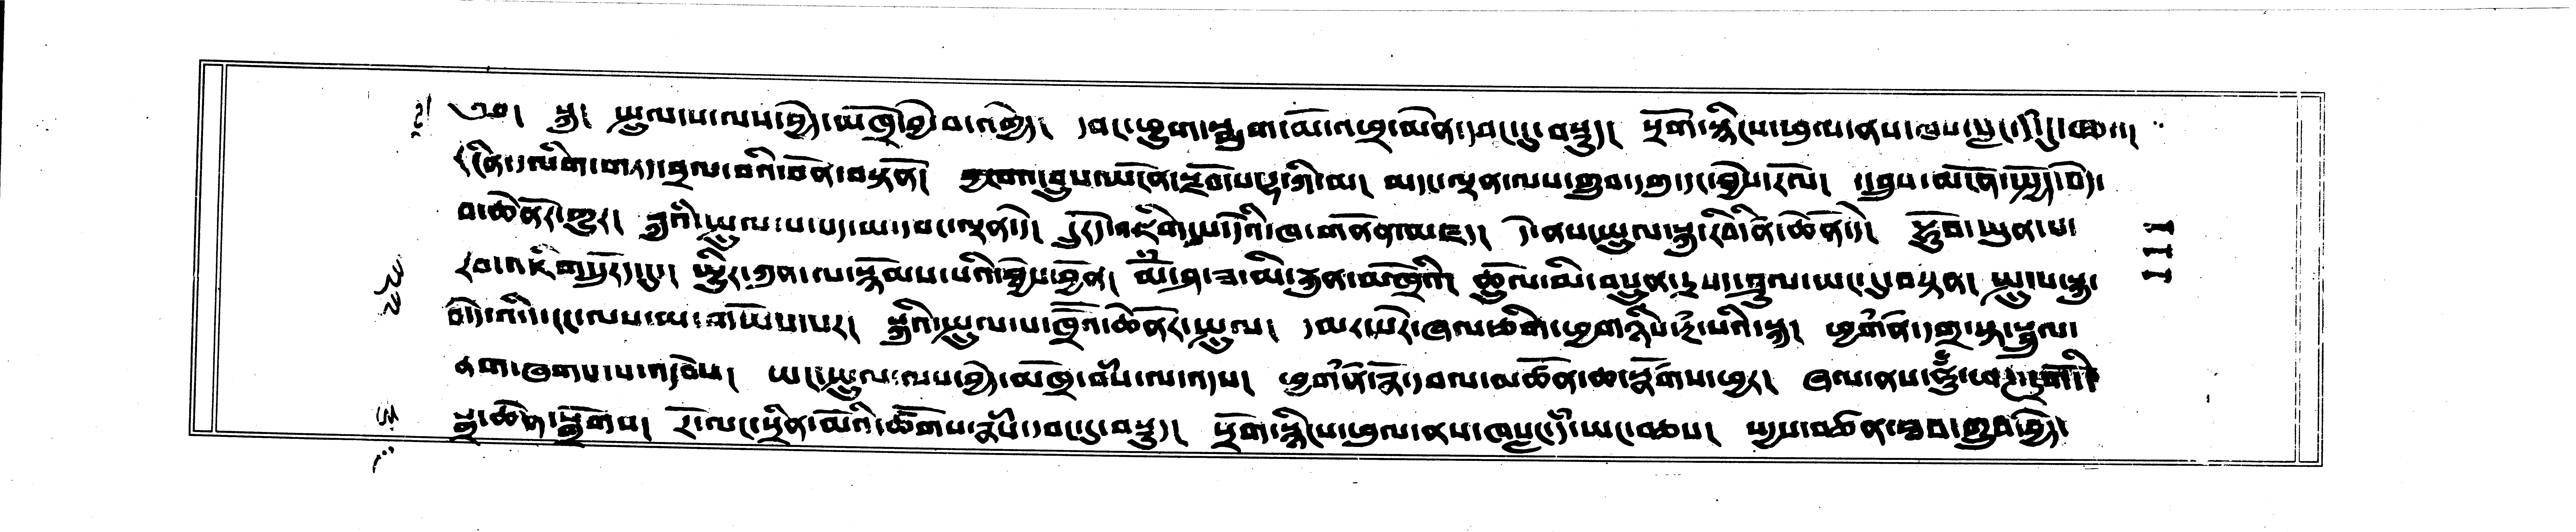སྐུ། སྤྲུལ་པ་ལས་བྱེད་མཁའ་འགྲོ་བྱེ་བ་འགྱེད། དབང་ཕྱུག་སྨུག་མོ་འཕྲ་མེན་དབང་དུ་སྡུད། སྲོག་སྙིང་ཕུལ་ནས་ཁས་བླངས་དམ་དུ་བཅས། 
རང་བཞིན་དམིགས་གཏད་བྲལ་བའི་བོན་བསྟན་ནོ། བྱང་ཆུབ་འབྲས་བུ་མངོན་རྫོགས་དྷཀི་མ། མདངས་ལྡན་ལས་གྲུབ་དགུ་དང་ཐུགས་རྗེ་རོལ། འབྲས་བུ་མངོན་སྤྱོད་བདེ་
བ་ཆེན་པོར་གྱུར། སྐུའི་སྤྲུལ་པ་པདྨ་དབང་ལྡན་དེ། དུར་ཁྲོད་འཇིགས་པ་དེའི་ཁ་གནོན་མཛད། དེ་ནས་སྤྲུལ་སྐུ་རིག་འཛིན་ཆེན་པོ་དེ། ལྷོ་ནུབ་མུན་པ་
རབ་འཇིགས་དུར་ཁྲོད་དུ། མི་འགྱུར་ཀུན་ལ་སྙོམས་པའི་ཐུགས་རྗེ་བྱོན། མ་མོ་ཤ་ཟ་མི་མཐུན་མཁའ་འགྲོ་ཡི། ཆོ་འཕྲུལ་མི་བསྲུན་དྲག་ཤུལ་ཡང་དུ་བསྟན། སྤྲུལ་སྐུ་
བདེ་བའི་ངང་ལས་མ་གཡོས་པར། སྐུའི་སྤྲུལ་པ་ཁྲོ་བོ་ཆེན་པོར་སྤྲུལ། དམར་སེར་ཞལ་གཅིག་ཕྱག་གཉིས་རྔམ་པའི་སྐུ། ཕྱག་མཚན་དགྲ་སྟ་སྦྲུལ་
ནག་ཞགས་པ་འདེབས། ཡང་སྤྲུལ་ལས་བྱེད་མཁའ་འགྲོ་བསམ་ལས་འདས། ཕྱག་མཚན་རྣོ་དབལ་མཚོན་ཆ་སྣ་ཚོགས་ཕྱར། ཞལ་ནས་ཧཱུཾ་ཕཊ་དྲག་པོའི་
སྒྲ་ཆེན་སྒྲོགས། རོ་ལང་སྲིན་མོའི་ཚོགས་རྣམས་དབང་དུ་སྡུད། སྲོག་སྙིང་ཕུལ་ནས་ཁས་བླང་དམ་ཡང་བཅས། སངས་རྒྱས་བཙན་ཐབས་གྲུབ་བྱེད་